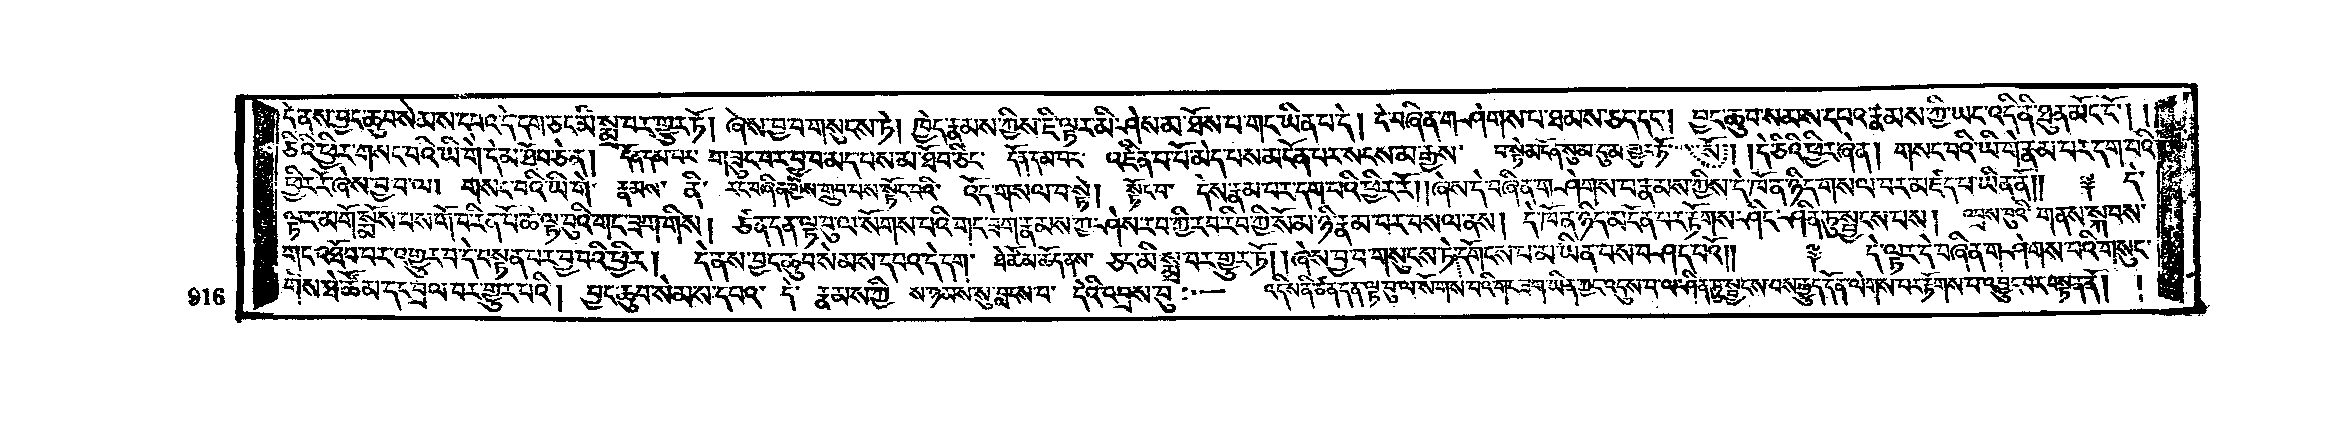དེ་ནས་བྱང་ཆུབ་སེམས་དཔའ་དེ་དག་ཅང་མི་སྨྲ་བར་གྱུར་ཏོ། ཞེས་བྱ་བ་གསུངས་ཏེ། ཁྱེད་རྣམས་ཀྱིས་ཇི་ལྟར་མི་ཤེས་མ་ཐོས་པ་གང་ཡིན་པ་དེ། དེ་བཞིན་གཤེགས་པ་ཐམས་ཅད་དང་། བྱང་ཆུབ་སེམས་དཔའ་རྣམས་ཀྱི་ཡང་འདི་ནི་ཐུན་མོང་ངོ། །
ཅིའི་ཕྱིར་གསང་བའི་ཡི་གེ་དེ་མ་ཐོབ་ཅེ་ན། དོན་དམ་པར། གཟུང་བར་བྱ་བ་མེད་པས་མ་ཐོབ་ཅིང་དོན་དམ་པར་འཛིན་པ་པོ་མེད་པས་མངོན་པར་སངས་མ་རྒྱས་པ་སྟེ་མངོན་སུམ་དུ་མ་གྱུར་ཏོ་སོ། །དེ་ཅིའི་ཕྱིར་ཞེ་ན། གསང་བའི་ཡི་གེ་རྣམ་པར་དག་པའི་
ཕྱིར་རོ་ཞེས་བྱ་བ་ལ། གསང་བའི་ཡི་གེ་རྣམས་ནི་རང་བཞིན་གྱིས་གྲུབ་པས་སྟོང་པའི་འོད་གསལ་བ་སྟེ། སྟོང་པ་དེས་རྣམ་པར་དག་པའི་ཕྱིར་རོ། །ཞེས་དེ་བཞིན་གཤེགས་པ་རྣམས་ཀྱིས་དེ་ཁོ་ན་ཉིད་གསལ་བར་མཛད་པ་ཡིན་ནོ།། ༈ དེ་
ལྟར་མགོ་སྨོས་པས་གོ་བ་རིན་པོ་ཆེ་ལྟ་བུའི་གང་ཟག་གིས། ཙན་དན་ལྟ་བུ་ལ་སོགས་པའི་གང་ཟག་རྣམས་ཀྱི་ཤེས་རབ་ཀྱི་རབ་རིབ་ཀྱི་སོམ་ཉི་རྣམ་པར་བསལ་ནས། དེ་ཁོ་ན་ཉིད་མངོན་པར་རྟོགས་ཤིང་ཤིན་ཏུ་སྦྱངས་པས། འབྲས་བུའི་གནས་སྐབས་
གང་འཐོབ་བར་འགྱུར་བ་དེ་བསྟན་པར་བྱ་བའི་ཕྱིར། དེ་ནས་བྱང་ཆུབ་སེམས་དཔའ་དེ་དག་ཐེ་ཚོམ་ཆོད་ནས་ཅང་མི་སྨྲ་བར་གྱུར་ཏོ། །ཞེས་བྱ་བ་གསུངས་ཏེ་དགོངས་པ་མ་ཡིན་པས་བཤད་པའོ།། ༈ དེ་ལྟར་དེ་བཞིན་གཤེགས་པའི་གསུང་
གིས་ཐེ་ཚོམ་དང་བྲལ་བར་གྱུར་པའི། བྱང་ཆུབ་སེམས་དཔའ་དེ་རྣམས་ཀྱི་ས་ཉམས་སུ་བླངས་པ་དེའི་འབྲས་བུ་འདིས་ནི་ཙན་དན་ལྟ་བུ་ལ་སོགས་པའི་གང་ཟག་ཡིན་ཀྱང་འདུས་པ་ལ་ཤིན་ཏུ་སྦྱངས་པས་རྒྱུད་དོན་ལེགས་པར་རྟོགས་པ་འབྱུང་བར་བསྟན་ནོ།།